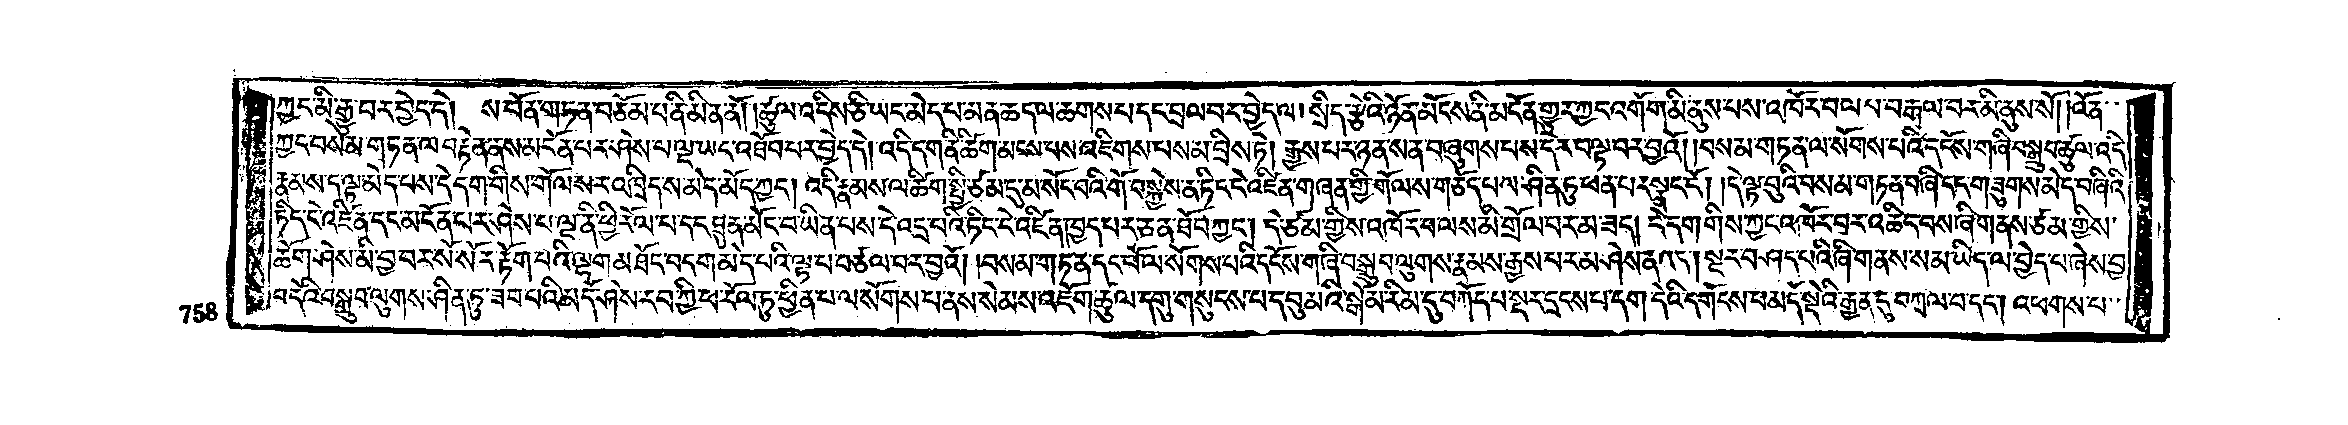ཀྱང་མི་རྒྱུ་བར་བྱེད་དེ། ས་བོན་གཏན་བཅོམ་པ་ནི་མིན་ནོ། །ཚུལ་འདིས་ཅི་ཡང་མེད་པ་མན་ཆད་ལ་ཆགས་པ་དང་བྲལ་བར་བྱེད་ལ། སྲིད་རྩེའི་ཉོན་མོངས་ནི་མངོན་གྱུར་ཀྱང་འགོག་མི་ནུས་པས་འཁོར་བ་ལས་བརྒལ་བར་མི་ནུས་སོ། །འོན་
ཀྱང་བསམ་གཏན་ལ་བརྟེན་ནས་མངོན་པར་ཤེས་པ་ལྔ་ཡང་འཐོབ་པར་བྱེད་དེ། འདི་དག་ནི་ཚིག་མངས་པས་འཇིགས་པས་མ་བྲིས་ཏེ། རྒྱས་པར་ཉན་ས་ན་བཞུགས་པས་དེར་བལྟ་བར་བྱའོ། །བསམ་གཏན་ལ་སོགས་པའི་དངོས་གཞི་བསྒྲུབ་ཚུལ་འདི་
རྣམས་ད་ལྟ་མེད་པས་དེ་དག་གིས་གོལ་སར་འཁྲིད་ས་མེད་མོད་ཀྱང་། འདི་རྣམས་ལ་ཚིག་སྤྱི་ཙམ་དུ་མ་སོང་བའི་གོ་བ་སྐྱེས་ན་ཏིང་ངེ་འཛིན་གཞན་གྱི་གོལ་ས་གཅོད་པ་ལ་ཤིན་ཏུ་ཕན་པར་སྣང་ངོ། །དེ་ལྟ་བུའི་བསམ་གཏན་བཞི་དང་གཟུགས་མེད་བཞིའི་
ཏིང་ངེ་འཛིན་དང་མངོན་པར་ཤེས་པ་ལྔ་ནི་ཕྱི་རོལ་པ་དང་ཐུན་མོང་བ་ཡིན་པས་དེ་འདྲ་བའི་ཏིང་ངེ་འཛིན་ཁྱད་པར་ཅན་ཐོབ་ཀྱང་། དེ་ཙམ་གྱིས་འཁོར་བ་ལས་མི་གྲོལ་བར་མ་ཟད། དེ་དག་གིས་ཀྱང་འཁོར་བར་འཆིང་བས་ཞི་གནས་ཙམ་གྱིས་
ཆོག་ཤེས་མི་བྱ་བར་སོ་སོར་རྟོག་པའི་ལྷག་མཐོང་བདག་མེད་པའི་ལྟ་བ་བཙལ་བར་བྱའོ། །བསམ་གཏན་དང་པོ་ལ་སོགས་པའི་དངོས་གཞི་བསྒྲུབ་ལུགས་རྣམས་རྒྱས་པར་མ་ཤེས་ནའང་། སྔར་བཤད་པའི་ཞི་གནས་སམ་ཡིད་ལ་བྱེད་པ་ཞེས་བྱ་
བ་དེའི་བསྒྲུབ་ལུགས་ཤིན་ཏུ་ཟབ་པའི་མདོ་ཤེས་རབ་ཀྱི་ཕ་རོལ་ཏུ་ཕྱིན་པ་ལ་སོགས་པ་ནས་སེམས་འཇོག་ཚུལ་དགུ་གསུངས་པ་དབུ་མའི་སྒོམ་རིམ་དུ་བཀོད་པ་སྔར་དྲངས་པ་དང་། དེའི་དགོངས་པ་མདོ་སྡེའི་རྒྱན་དུ་བཀྲལ་བ་དང་། འཕགས་པ་